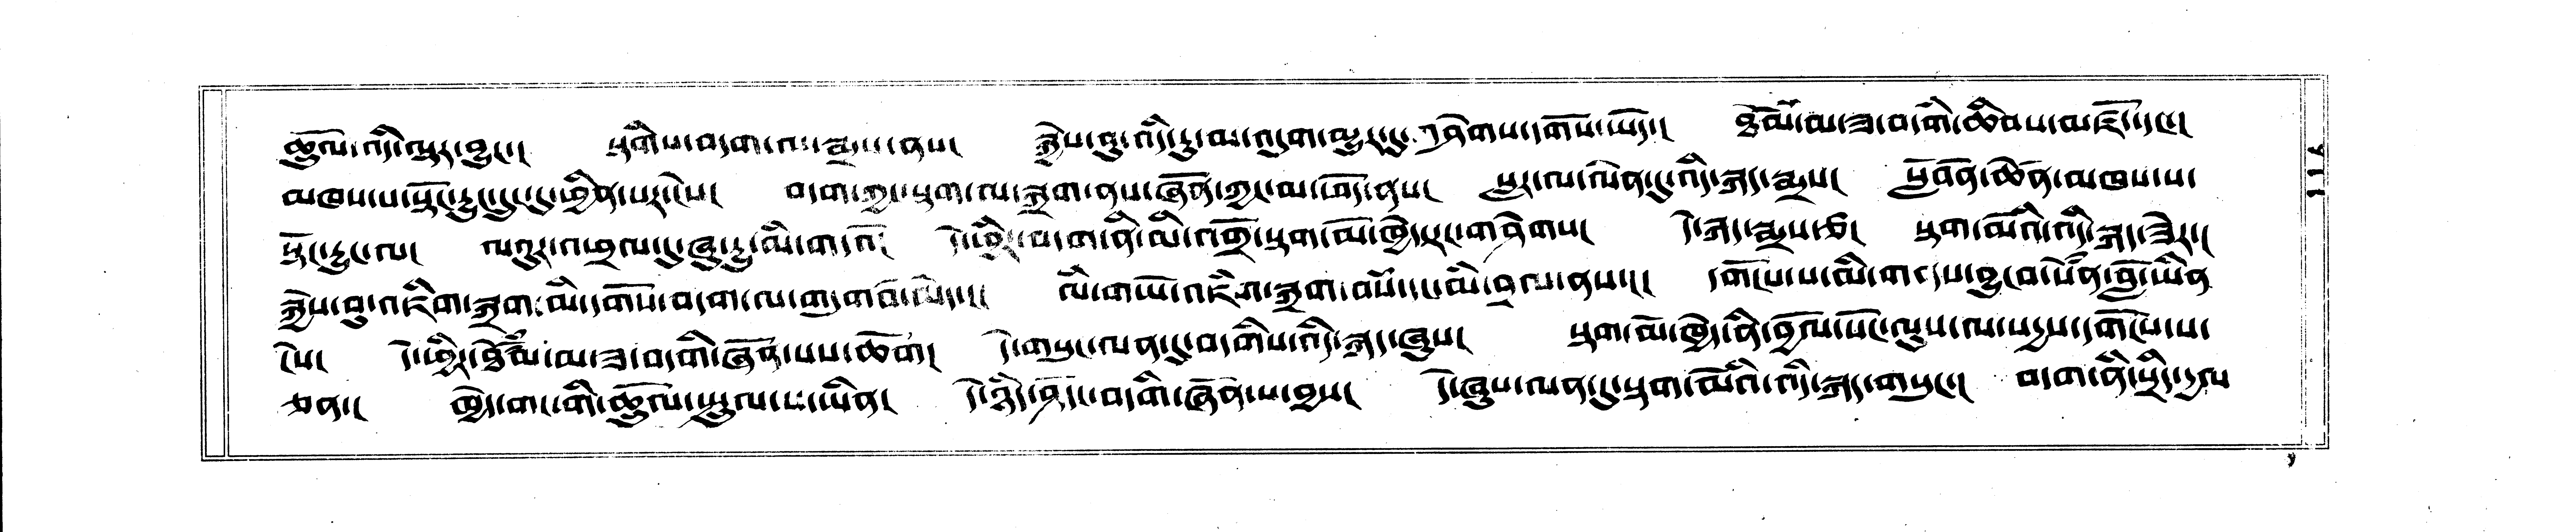ཆོ་འཕྲུལ་འདི་ལྟར་བྱུང་། སྟག་གིས་བདག་ལ་སྨྲས་ནས། སྐྱེས་བུ་འདི་རུ་མ་འདུག་མྱུར་དུ་གཤེགས་དགོས་ཡོད། ཐེ་ཚོམ་མ་ཟ་བདག་གི་ཆིབས་མཛོད་དང་། 
མཁས་པ་སྟོང་རྒྱུང་དྲུང་དུ་ཕྱིན་པར་ངེས། བདག་ཀྱང་སྟག་ལ་སྐྲག་ནས་ཞོན་ཀྱང་མ་ཕོད་ནས། སླར་ལ་ལེན་དུ་འདི་སྐད་སྨྲས། སློབ་དཔོན་ཆེན་པོ་མཁས་པ་
སྟོང་རྒྱུང་ལ། ལའུར་འཕྲལ་དུ་ཞུ་རྒྱུ་མི་གདའོ། དེ་ཕྱིར་བདག་ནི་མི་འགྲོ་སྟག་མོ་ཁྱེར་རང་གཤེགས། དེ་སྐད་སྨྲས་ཙ། སྟག་མོའི་འདི་སྐད་ཟེར། 
སྐྱེས་བུ་འཇིག་སྐྲག་མི་དགོས་བདག་ལ་གདུག་རྩུབ་མེད། ལམ་གཡོ་འཇིག་སྐྲག་བསམ་དང་མི་བྲལ་ནས། དགོངས་པ་མི་གནས་བྱང་ཆུབ་སེམས་ཅན་བློ་ཡིན་
ངེས། དེ་ཕྱིར་ཐེ་ཚོམ་མ་ཟ་བདག་གི་ཞོན་པས་ཆོག དེ་གསུང་ལན་དུ་བདག་གིས་འདི་སྐད་ཞུས། སྟག་མོ་ཁྱེད་ནི་བྱོལ་སོང་ལུས་ལ་སངས་རྒྱས་དགོངས་པ་
ཅན། ཁྱེད་གང་གི་ཆོ་འཕྲུལ་སྤྲུལ་པ་ཡིན། དེ་ཉིད་ཤོད་དང་བདག་གི་ཞོན་པ་བྱས། དེ་ཞུས་ལན་དུ་སྟག་མོའི་འདི་སྐད་གསུངས། བདག་ནི་སྲིད་རྒྱལ་